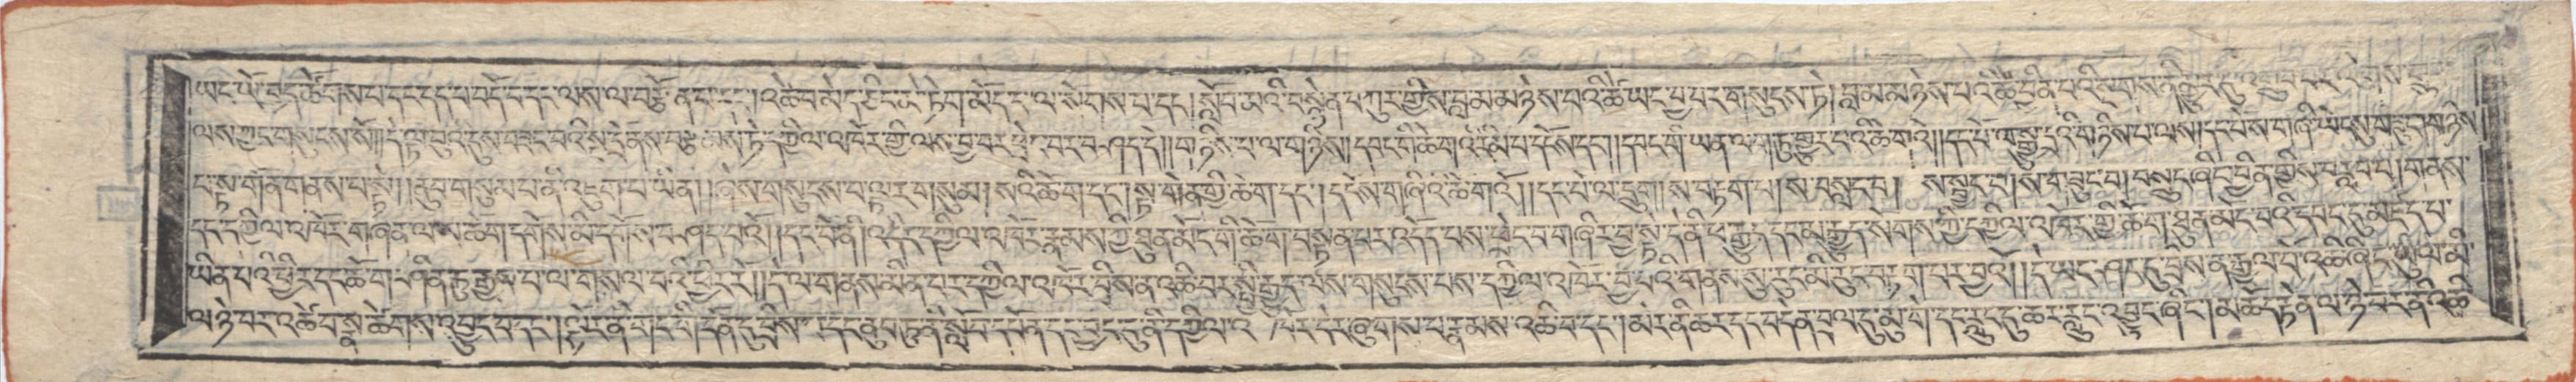ཡང་ཡོ་བྱད་ཚོགས་པ་དང་དད་པ་བདོ་བ་དང་ལས་ལ་བརྩོན་པ་དང་། འཚེ་བ་མེད་ཅིང་མེ་ཏོག་མོད་པ་ལ་སོགས་པ་དང་། སློབ་མའི་བསྙེན་བཀུར་གྱིས་བླ་མ་མཉེས་པའི་ཚེ་ཡང་བྱ་བར་གསུངས་ཏེ། བླ་མ་མཉེས་པའི་ཚེ་བྱིན་པའི་སྔགས་ནི་མྱུར་དུ་འགྲུབ་པར་ལེགས་གྲུབ་
ལས་ཀྱང་གསུངས་སོ། །དེ་ལྟ་བུའི་དུས་བཟང་བའི་སྔ་དྲོ་ནས་བརྩམས་ཏེ་དཀྱིལ་འཁོར་གྱི་ལས་བྱ་བར་ཕྲེང་བར་བཤད་དོ། །གཉིས་པ་ལ་གཉིས། དབང་གི་ཆོ་གའི་རིམ་པ་དངོས་དང་། །དབང་གི་ཡན་ལག་ཏུ་གྱུར་པའི་ཚེ་གའི། །དང་པོ་ལ་སྒྱུ་དྲའི་གཉིས་པ་ལས། དང་པོ་ས་གཞི་ཡོངས་སུ་གཟུང་། གཉིས་
པ་སྟ་གོན་གནས་པ་སྟེ། །ནུབ་གསུམ་པ་ནི་འཇུག་པ་ཡིན། །ཞེས་གསུངས་པ་ལྟར་གསུམ། སའི་ཆོ་ག་དང་། སྟ་གོན་གྱི་ཆོ་ག་དང་། དངོས་གཞིའི་ཆོ་གའོ། །དང་པོ་ལ་དྲུག །ས་བརྟག་པ། ས་བསླང་བ། ས་སྦྱང་བ། ས་གཟུང་བ། བསྲུང་ཞིང་བྱིན་གྱིས་བརླབ་པ། གནས་
དང་དཀྱིལ་འཁོར་གཞན་ལ་ས་ཆོག་དགོས་མི་དགོས་བཤད་པའོ། །དང་པོ་ནི། འདིར་དཀྱིལ་འཁོར་རྣམས་ཀྱི་ཐུན་མོང་གི་ཆོ་ག་བསྟན་པར་འདོད་པས་ཕྲེང་བ་གཞིར་བྱ་སྟེ་དེ་ནི་ཕ་རྒྱུད་དང་མ་རྒྱུད་སོགས་ཀྱི་དཀྱིལ་འཁོར་གྱི་ཆོ་ག་ཐུན་མོང་བའི་དབང་དུ་མཛད་པ་
ཡིན་པའི་ཕྱིར་དང་ཆོ་ག་ཤིན་ཏུ་རྒྱས་པ་ལ་གསལ་བའི་ཕྱིར་རོ། །དེ་ལ་གནས་མིན་པར་དཀྱིལ་འཁོར་བྲིས་ན་འཆི་བར་སྤྱི་རྒྱུད་ལས་གསུངས་པས་དཀྱིལ་འཁོར་བྱ་བའི་གནས་སུ་རུང་མི་རུང་བརྟག་པར་བྱའོ། །དེ་ཡང་ཤར་དུ་བྲིས་ན་རྒྱལ་པོ་འཆི་ཞིང་ཡུལ་མི་
ལ་ཉེ་བར་འཚེ་བ་སྣ་ཚོགས་འབྱུང་བ་དང་། ལྷོར་ནི་གང་གི་དོན་དུ་བྲིས་པ་དང་ནུབ་ཏུ་ནི་སློབ་དཔོན་དང་བྱང་དུ་ནི་དཀྱིལ་འཁོར་དེར་ཞུགས་པ་རྣམས་འཆི་བ་དང་། མེར་ནི་ཆར་དང་བདེན་བྲལ་དུ་མུ་གེ་དང་རླུང་དུ་ཆར་རླུང་འབྱུང་ཞིང་། མཆོད་རྟེན་ལ་ཉེ་བར་ནི་འཆི་